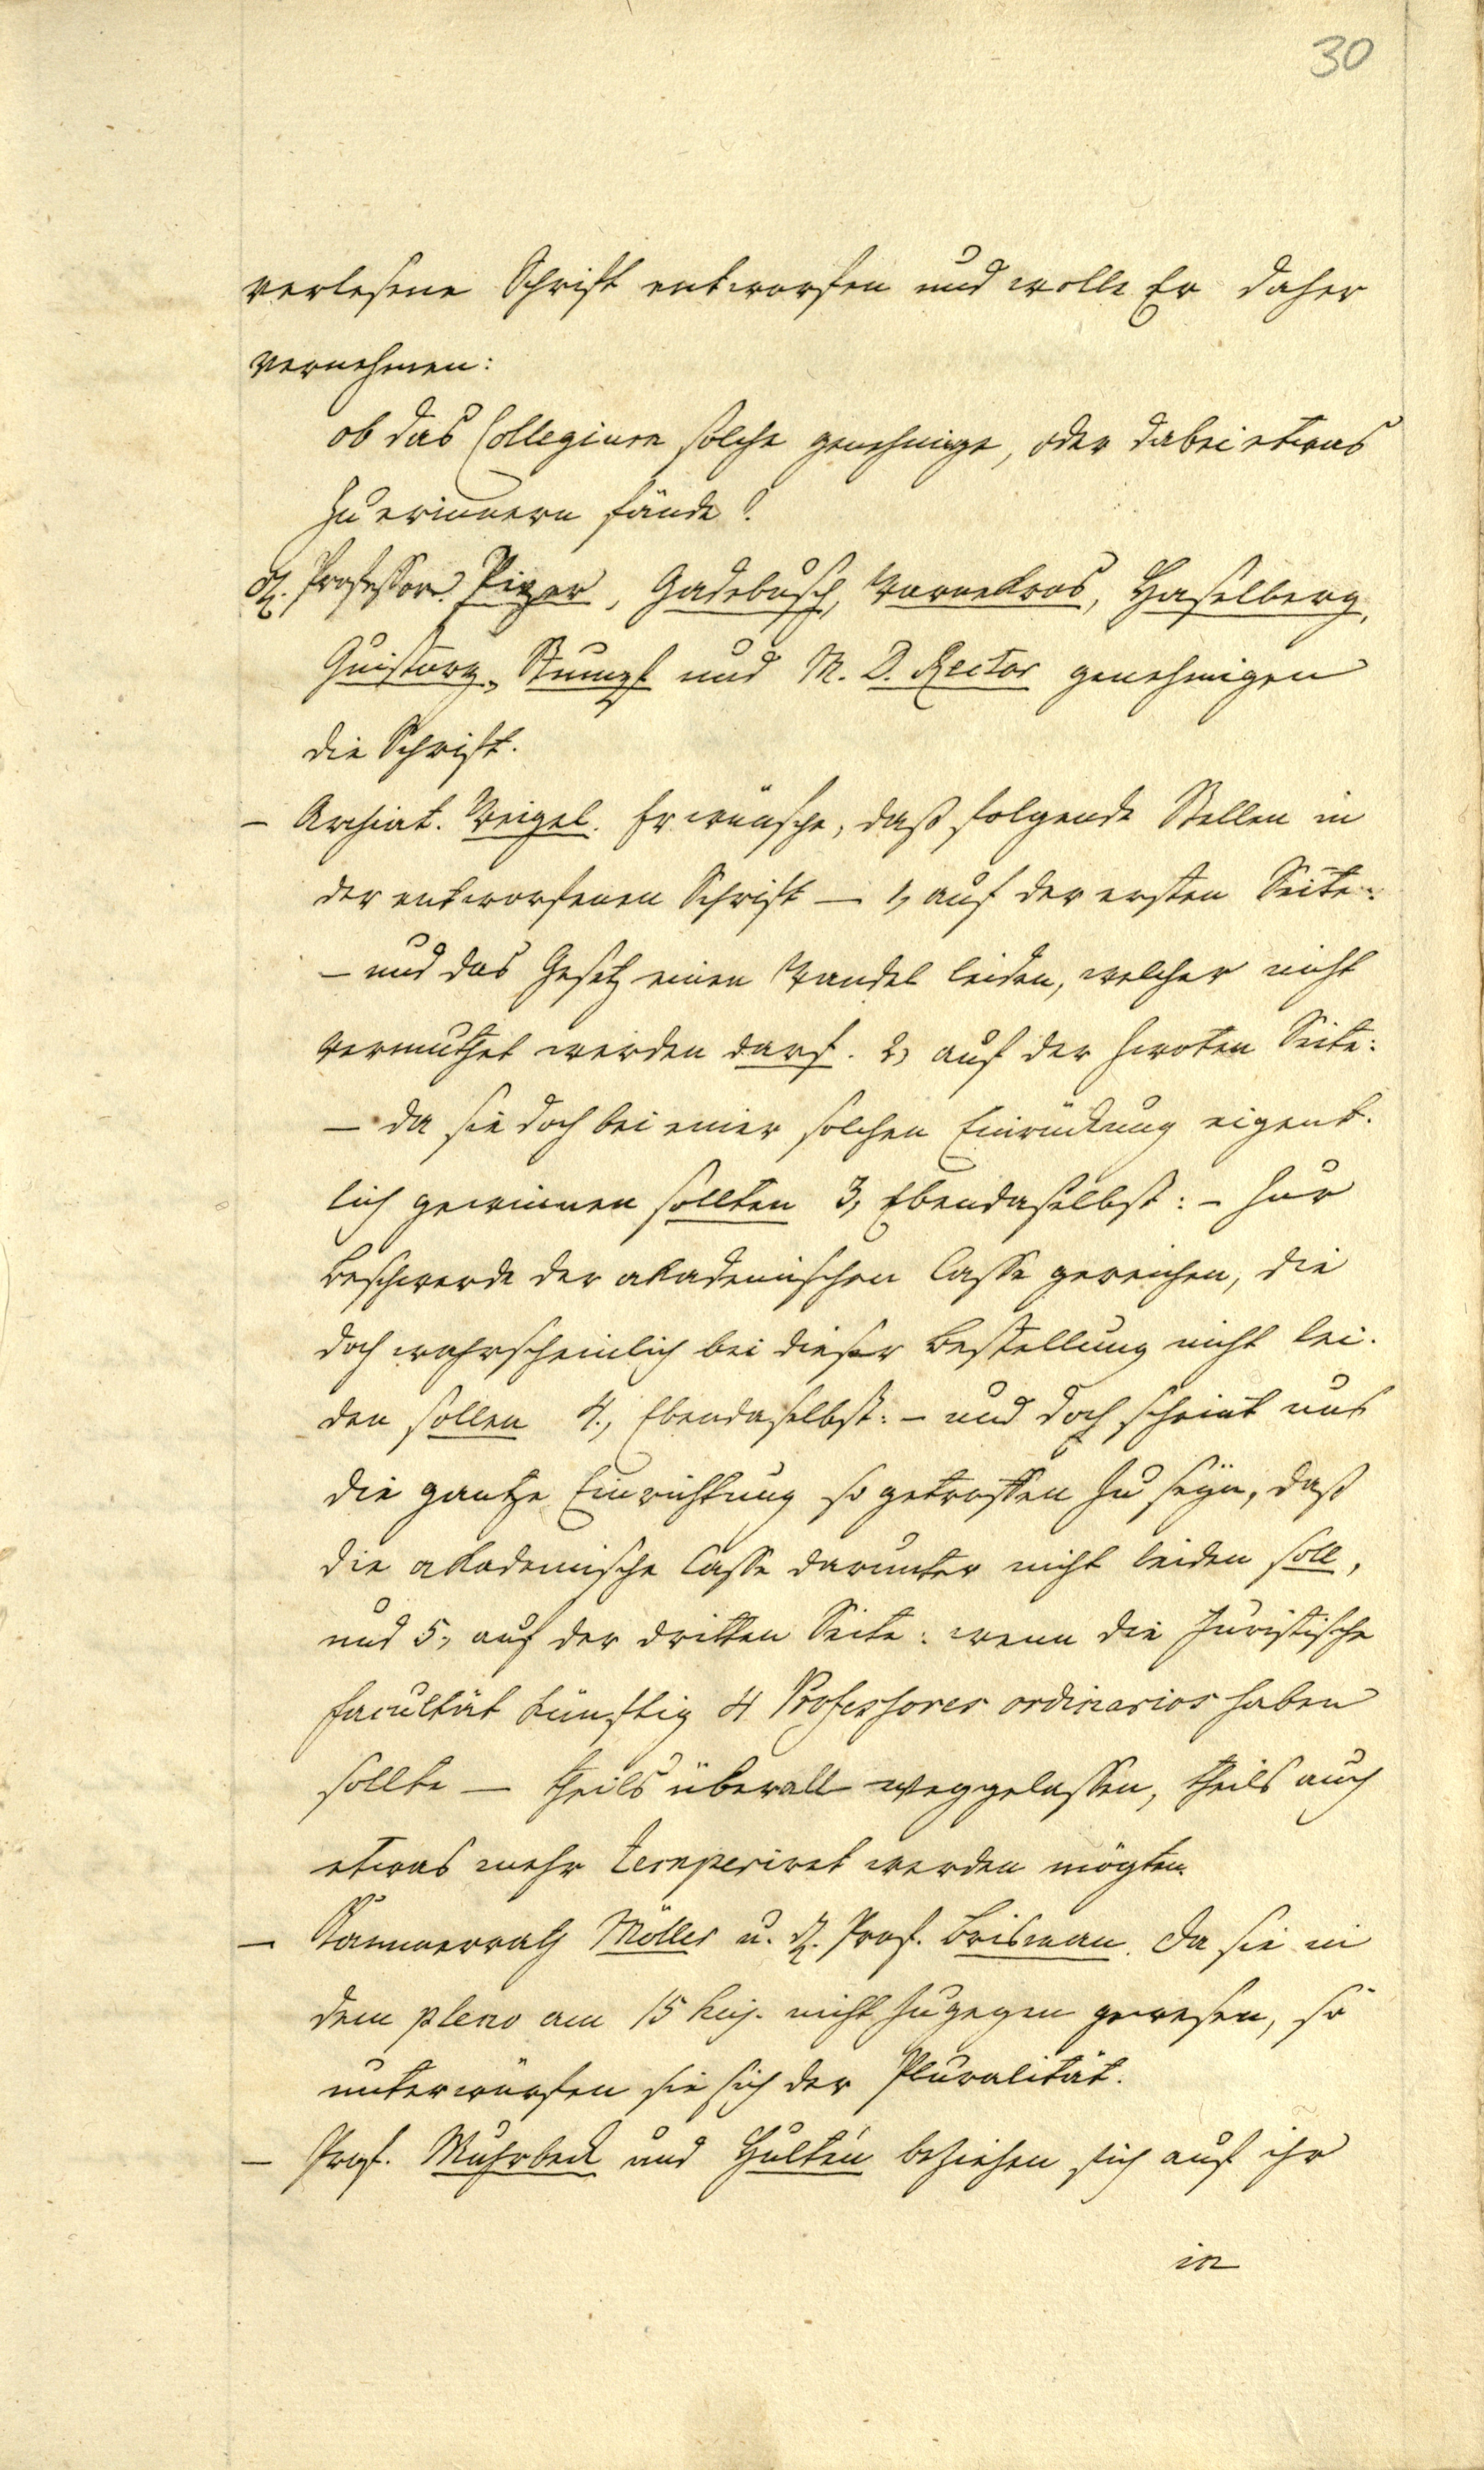verlesene Schrift entworfen und wolle Er daher
vernehmen:
ob das Collegium solche genehmige, oder dabei etwas
zu erinnern fände!
dh. Prof. Piper, Gadebusch, Warnekros, Haselberg,
Quistorp, Stumpf und M. D. Rector genehmigen
die Schrift.
Archiat. Weigel. Er wünsche, daß folgende Stellen in
der entworfenen Schrift 1, auf der ersten Seite
und das Gesetz einen Wandel leiden, welcher nicht
vermuthet werden darf. 2, auf der zwoten Seite:
da sie doch bei einer solchen Einrückung eigent¬
lich gewinnen sollten 3, Ebendaselbst: zur
Beschwerde der akademischen Casse gereichen, die
doch wahrscheinlich bei dieser Bestellung nicht lei¬
den sollen 4, Ebendaselbst: und doch scheint nur
die gantze Einrichtung so getroffen zu seÿn, daß
die akademische Casse darunter nicht leiden soll,
und 5, auf der dritten Seite: wenn die Juristische
facultät künftig 4 Professores ordinarios haben
sollte theils überall weggelassen, theils auch
etwas mehr temperiret werden mögten.
Kammerrath Möller und dh. Prof. Brisman. Da sie in
dem pleno am 15. huj. nicht zugegen gewesen, so
unterwürfen sie sich der Pluralität.
Prof. Muhrbeck und Hultèn beziehen sich auf ihr
in